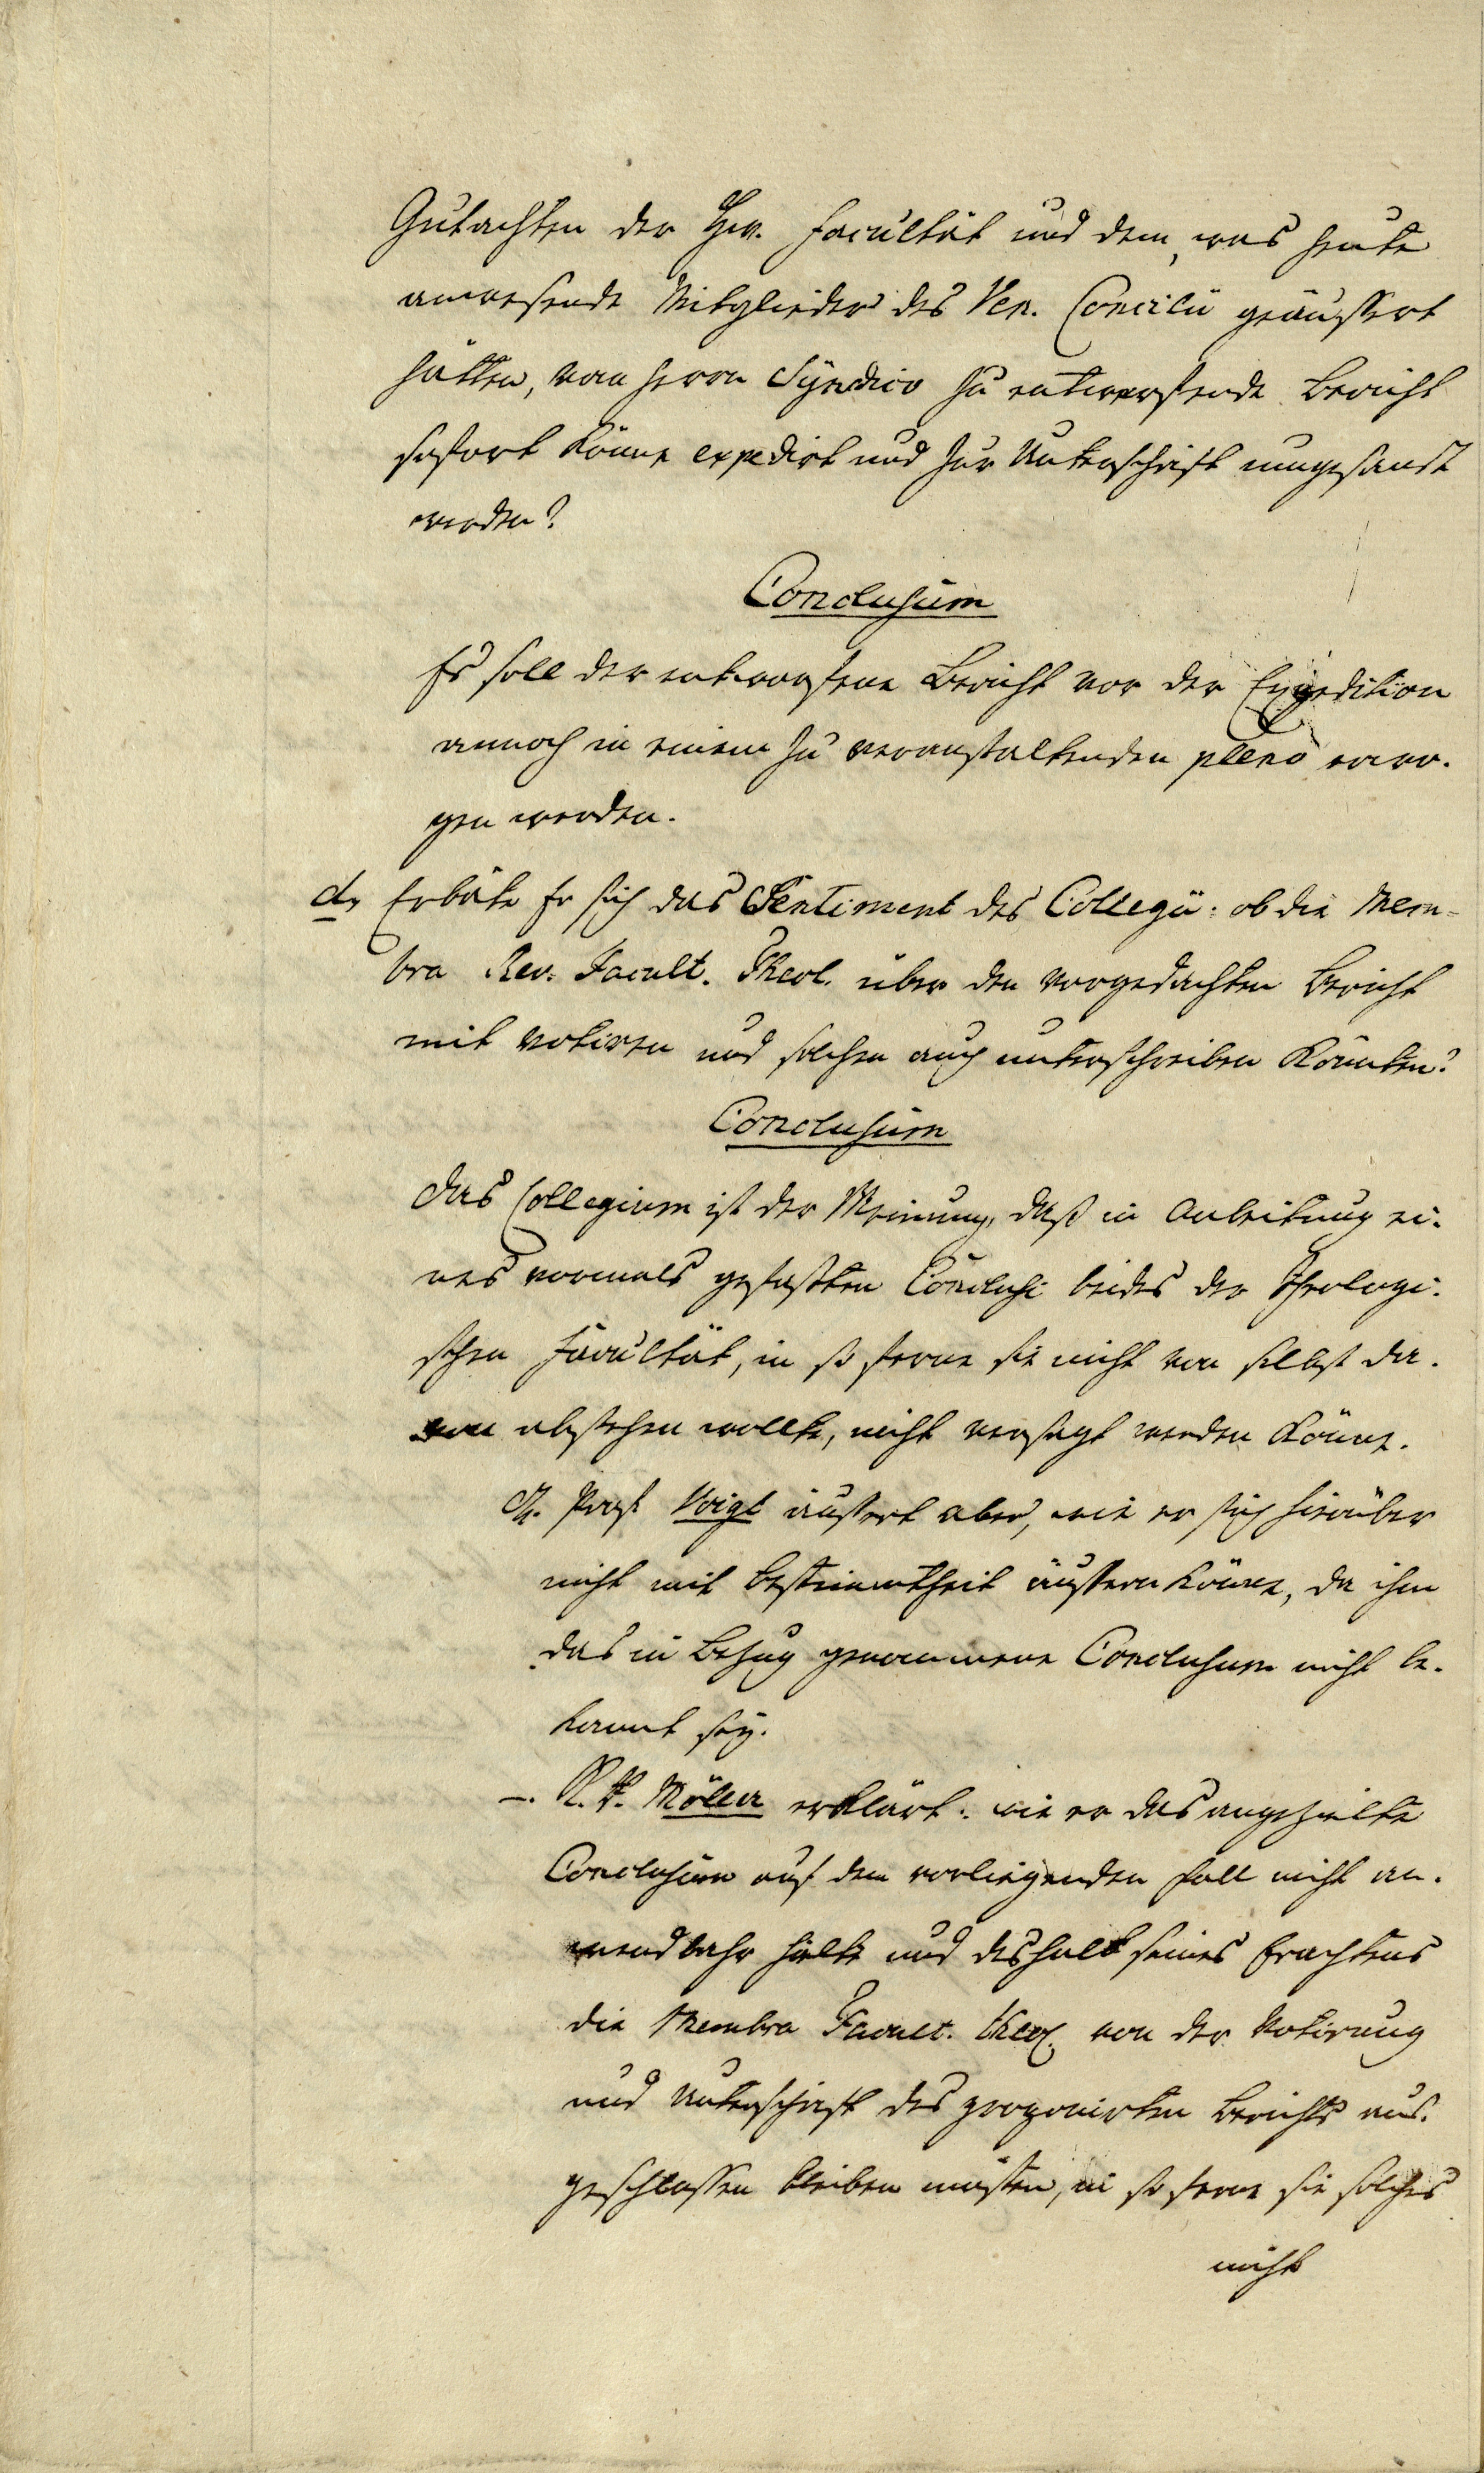Gutachten der Hw. Facultät und dem, was heute
anwesende Mitglieder des Ven. Concilii geäussert
hätten, vom Herrn Sÿndico zu entwerfende Bericht
sofort könne expedirt und zur Unterschrift eingesandt
werden?
Conclusum
Es soll der entworfene Bericht vor der Expedition
annoch in einem zu veranstaltenden pleno erwo¬
gen werden.
d. Erbäte Er sich das Sentiment des Collegii: ob die Mem¬
bra Rer. Facult. Theol. über den vorgedachten Bericht
mit votiren und solchen auch unterschreiben könnten?
Conclusum
Das Collegium ist der Meinung, daß in Anleitung ei¬
nes vormals gefaßten Conclusi beides der Theologi¬
schen Facultät, in so ferne sie nicht von selbst da¬
von abstehen wollte, nicht versagt werden könne.
dh. Prof. Voigt äussert aber, wie er sich hierüber
nicht mit Bestimmtheit äussern könne, da ihm
das in Bezug genommene Conclusum nicht be¬
kannt seÿ.
K. R. Möller erklärt: wie er das angezielte
Conclusum auf dem vorliegenden Fall nicht an¬
wendbahr hielte und deshalb seines Erachtens
die Membra Facult. theol. von der Votirung
und Unterschrift des proponirten Berichts aus¬
geschlossen bleiben müsten, in so ferne sie solches
nicht